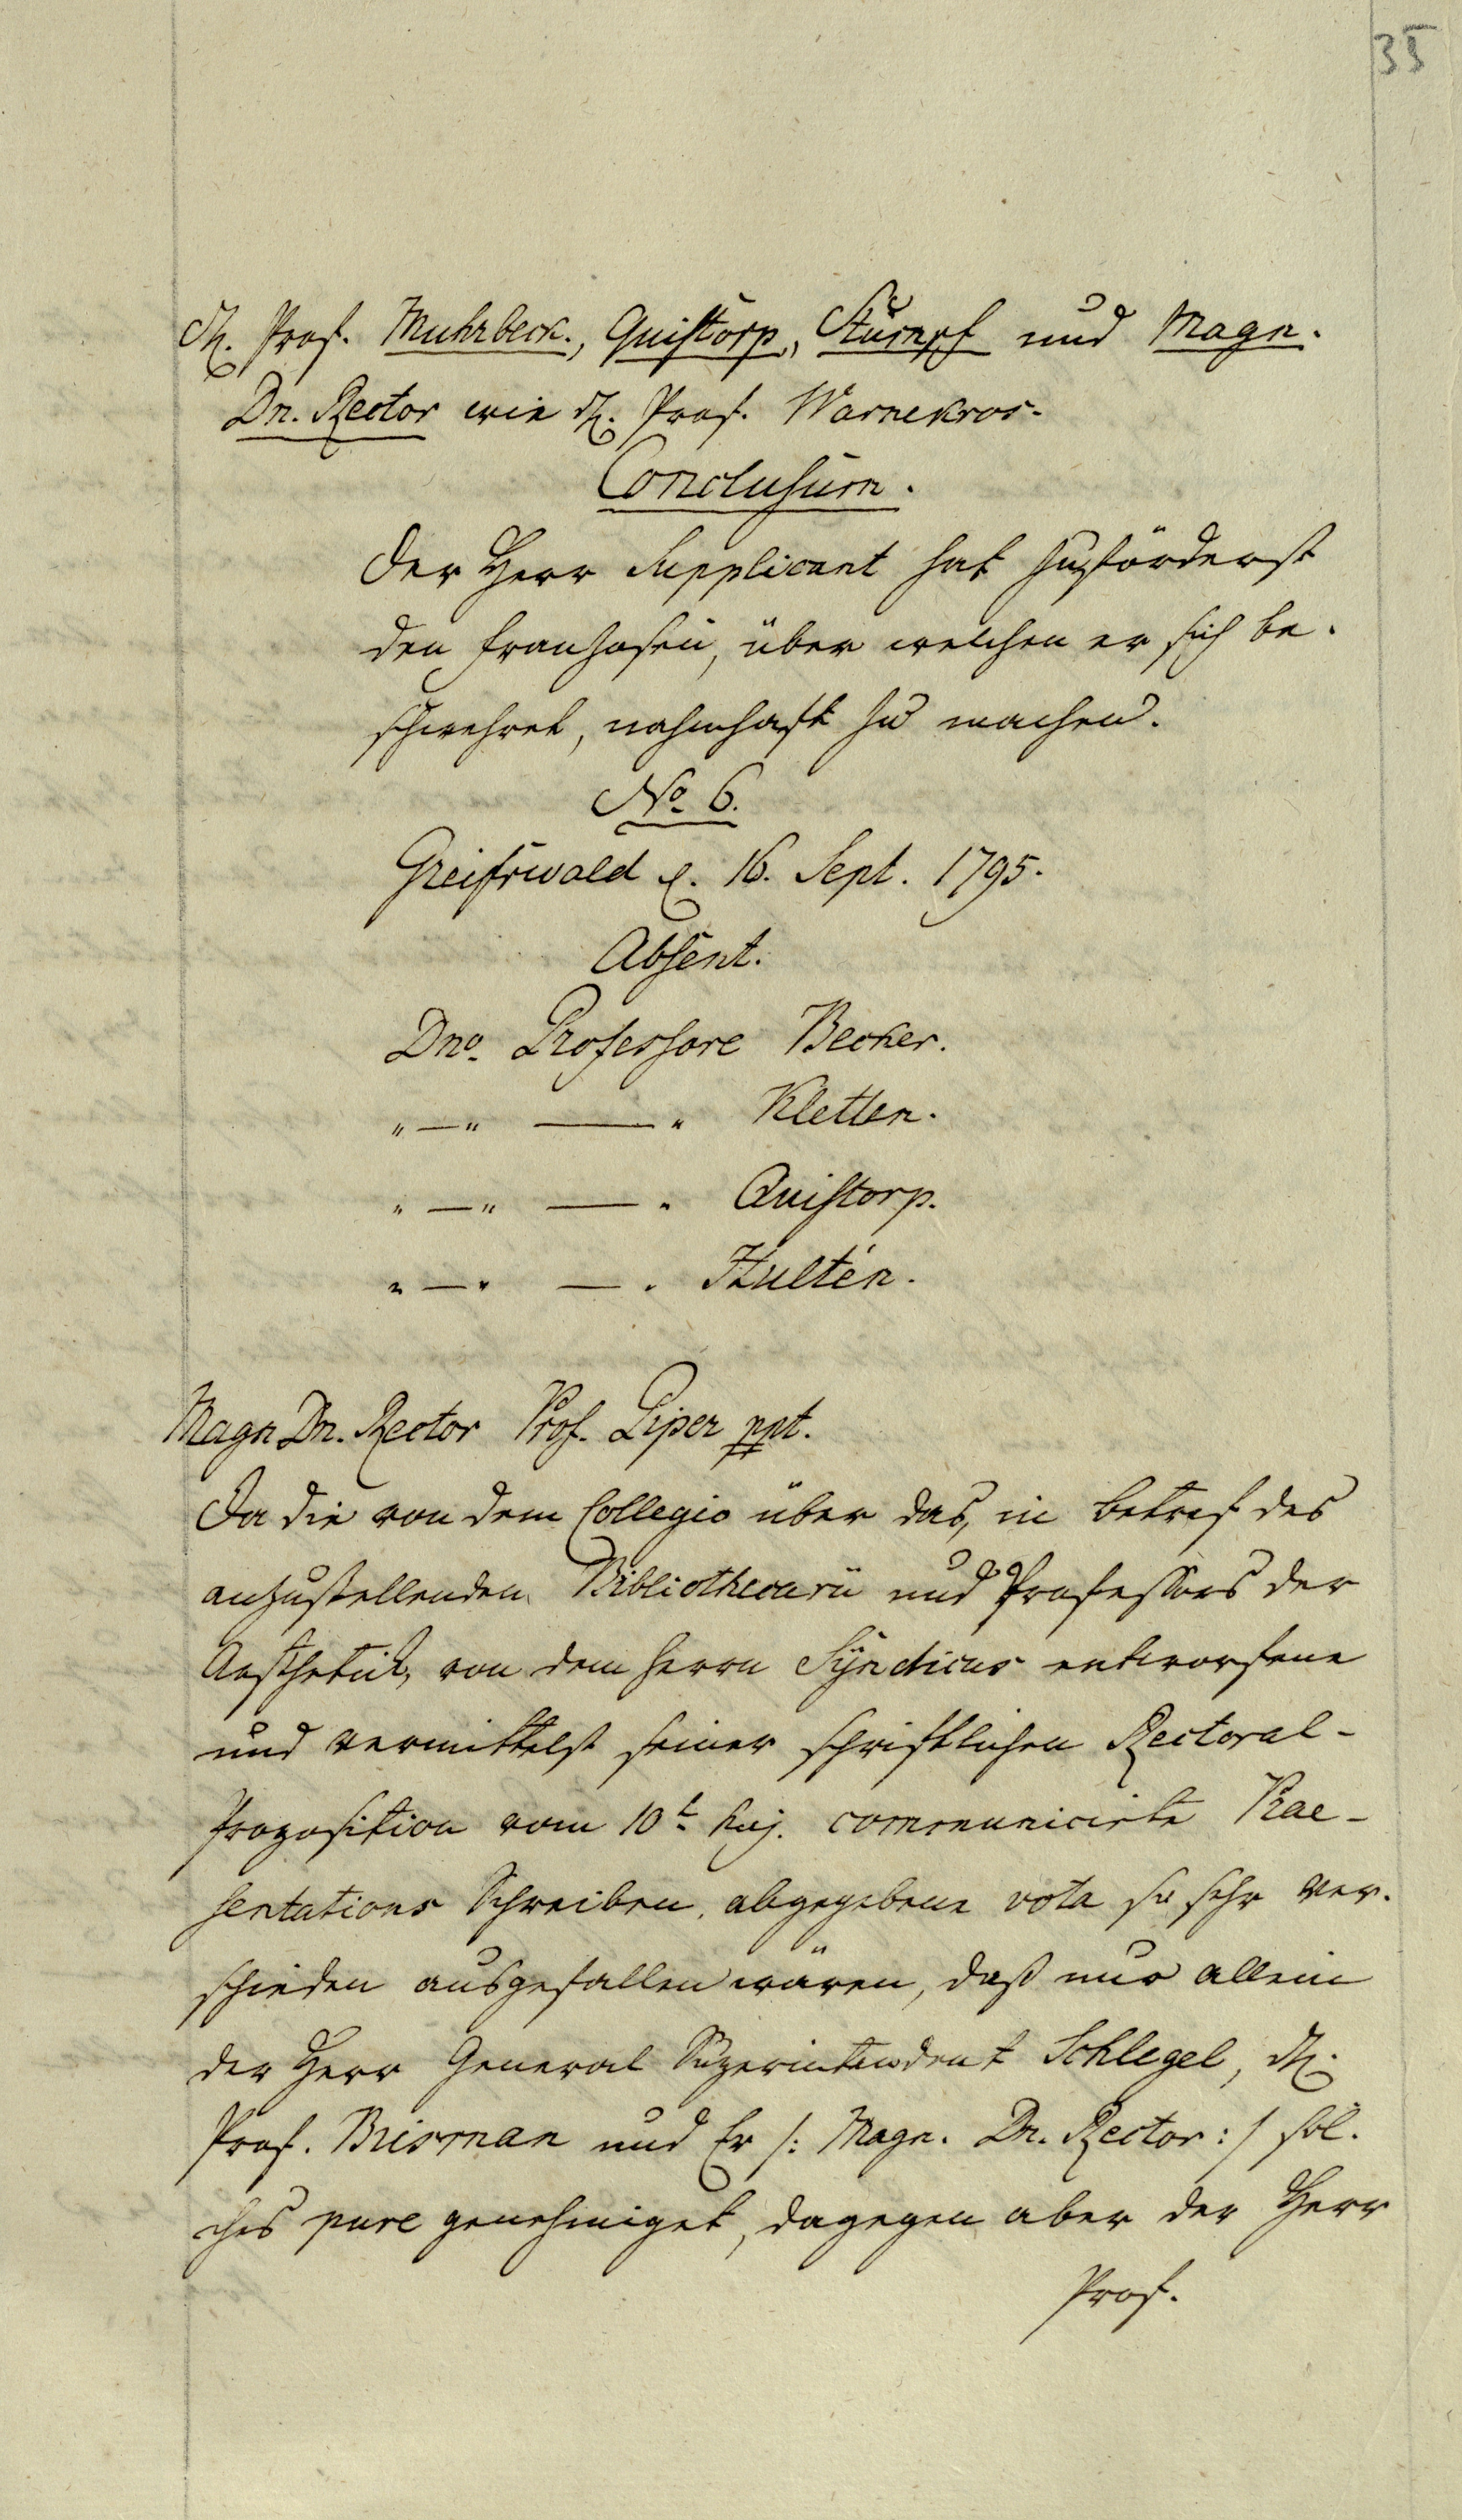dh. Prof. Muhrbeck., Quistorp, Stumpf und Magn.
Dn. Rector wie dh. Prof. Warneckros.
Conclusum.
Der Herr Supplicant hat zuförderst
den Franzosen, über welchen er sich be¬
schwehret, nahmhaft zu machen.
No 6.
Greifswald d. 16. Sept. 1795.
Absent.
Dno Professore Becker.
" — " — " Kletten.
" — " — " Quistorp.
" — " — " Hultén.
Magn. Dn. Rector Prof. Piper ppt.
Da die von dem Collegio über das, in Betref des
anzustellenden Bibliothecarii und Professors der
Aesthetick, von dem Herrn Sÿndicus entworfene
und vermittelst seiner schriftlichen Rectoral¬
Proposition vom 10t. huj. communicirte Prae¬
sentations Schreiben abgegebene vota so sehr ver¬
schieden ausgefallen wären, daß nur allein
der Herr General Superintendent Schlegel, dh.
Prof. Brisman und Er /: Magn. Dn. Rector :/ sol¬
ches pure genehmiget, dagegen aber der Herr
Prof.